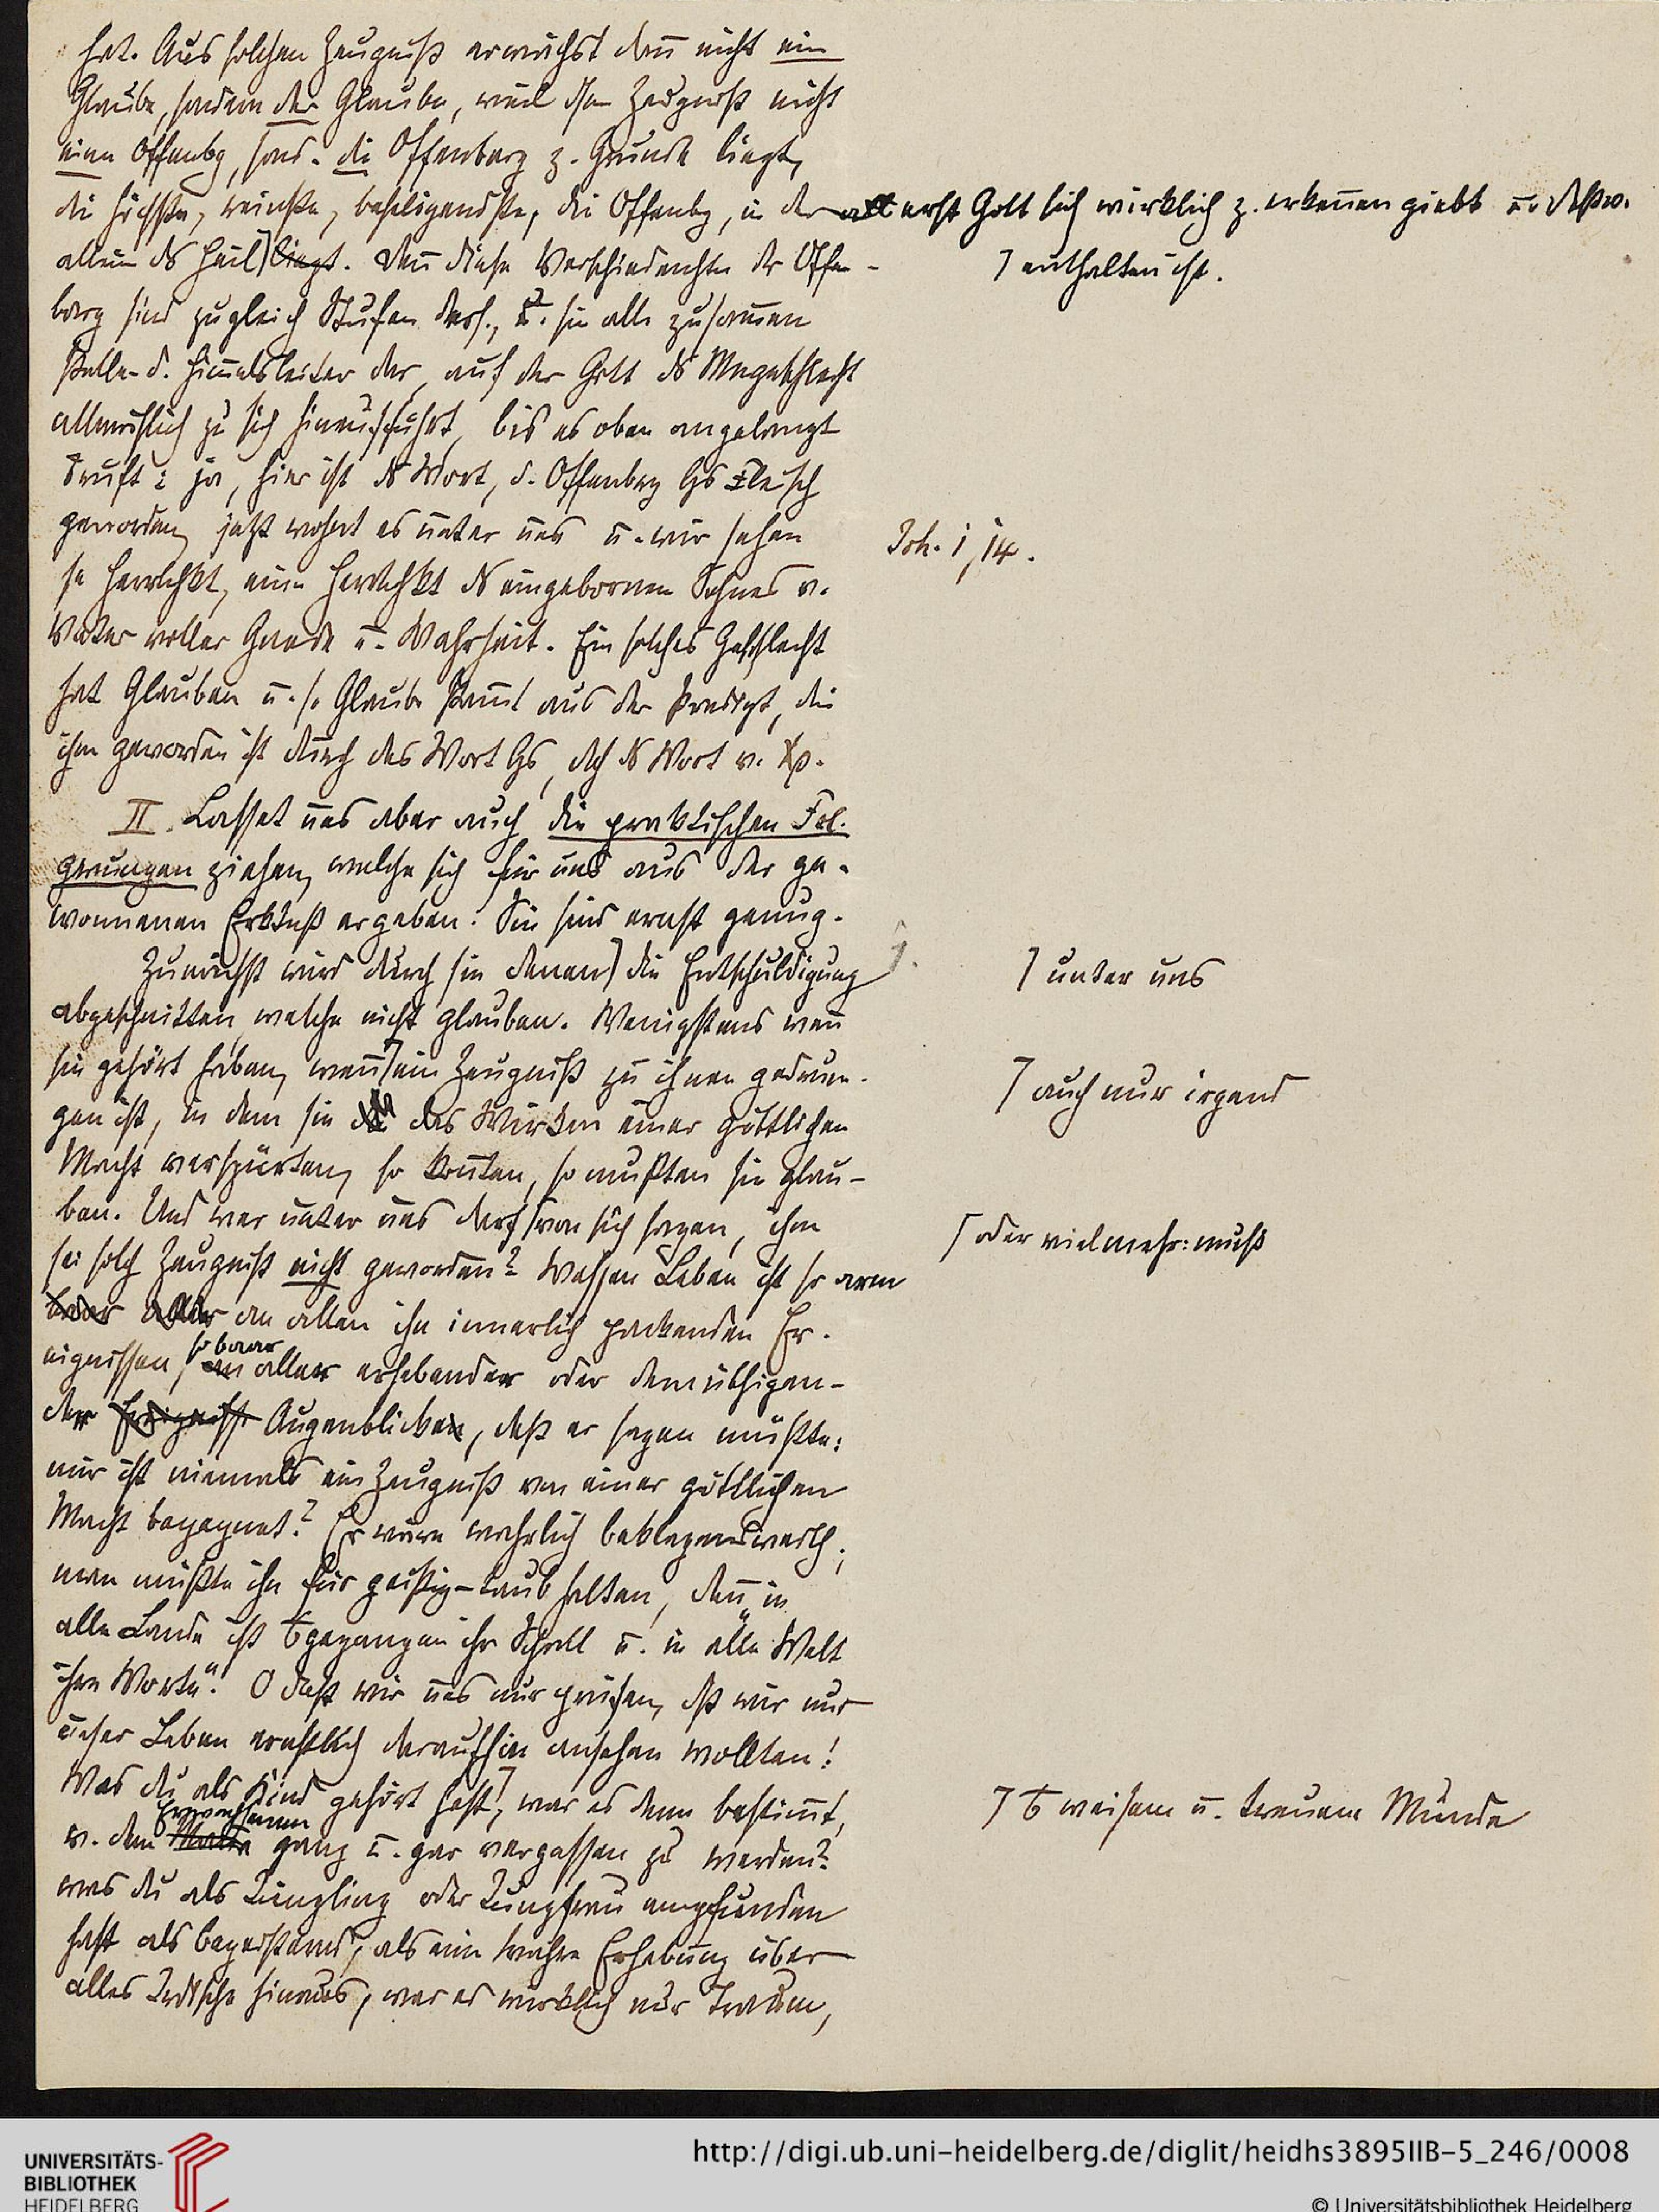hat. Aus solchen Zeugniß erwächst dan nicht ein
Glaube, sondern der Glaube, weil dsm Zeugniß nicht
eine Offenbg, sond. die Offenbarg z. Grunde liegt,
die höchste, reinste, besligendste, die Offenbg, in der all erst Gott sich wirklich z. erkenen giebt u. daß v.
allein d.Heil ] liegt. Denn diese Verschiedenheiten der Offen¬
] enthalten ist.
barg sind zugleich Stufen ders., u. sie alle zusamen
stelle. d. Himelsleiter dar, auf der Gott ds Mngeschlecht
allmählich zu sich hinaufführt, bis es oben angelangt
u. ruft: "ja, hier ist ds. Wort, d. Offenbrg Gs Fleisch
geworden, jetzt wohnt es unter uns u. wir sehen
Joh. 1,14..
sie Herrlichkt, eine Herrlichkt ds eingebornen Sohnes v.
Vater voller Gnade u. Wahrheit. Ein solches Geschlecht
hat Glauben u. s. Glaube stamt aus der Predigt, die
ihm geworden ist durch das Wort Gs, dch ds Wort v. Χρ.
II Lasst uns aber auch die praktischen Fol¬
gerungen ziehen, welche sich für uns aus der ge¬
wonnenen Erktnß ergeben. Sie sind ernst genug.
Zunächst wird durch sie denen ] die Entschuldigung
V unter uns
abgeschnitten, welche nicht glauben. Wenigstens wen
sie gehört haben, wen ] ein Zeugniß zu ihnen gedrun¬
] auch nur irgend
gen ist, in dem sie die das Wirken einer göttlichen
Macht verspürten, so konnten, so mußten sie glau¬
ben. Und wer unter uns darf [ von sich sagen, ihm
[ oder vielmehr: muß
sei solch Zeugniß nicht geworden? Wessen Leben ist so arm
bevor allein an allen ihn innerlich packenden Er¬
so baar
eignissen, an aller erhebender oder demüthigen¬
der Ereignisse Augenblicken, daß er sagen müßte:
mir ist niemals ein Zeugeiß von einer göttlichen
Macht begegnet? Er wäre wahrlich beklagenswerth;
man müßte ihn für geistig_taub halten, den "in
alle Lande ist sgegangen ihr Schall u. in alle Welt
ihre Worte!" O daß wir uns nur preisen, daß wir nur
unser Leben ernstlich daraufhin ansehen wollten!
Was du als Kind gehört hast, war es denn bestimmt,
] s weisen weisem u. treuen Munde
Erwachsenen
v. dem Malte ganz u. gar vergessen zu werden?
was die als Jüngling oder Jungfrau empfunden
hat als begeisternd, als eine frühe Erhebung über
alles Irdische hinaus, war es wirklich Traum,